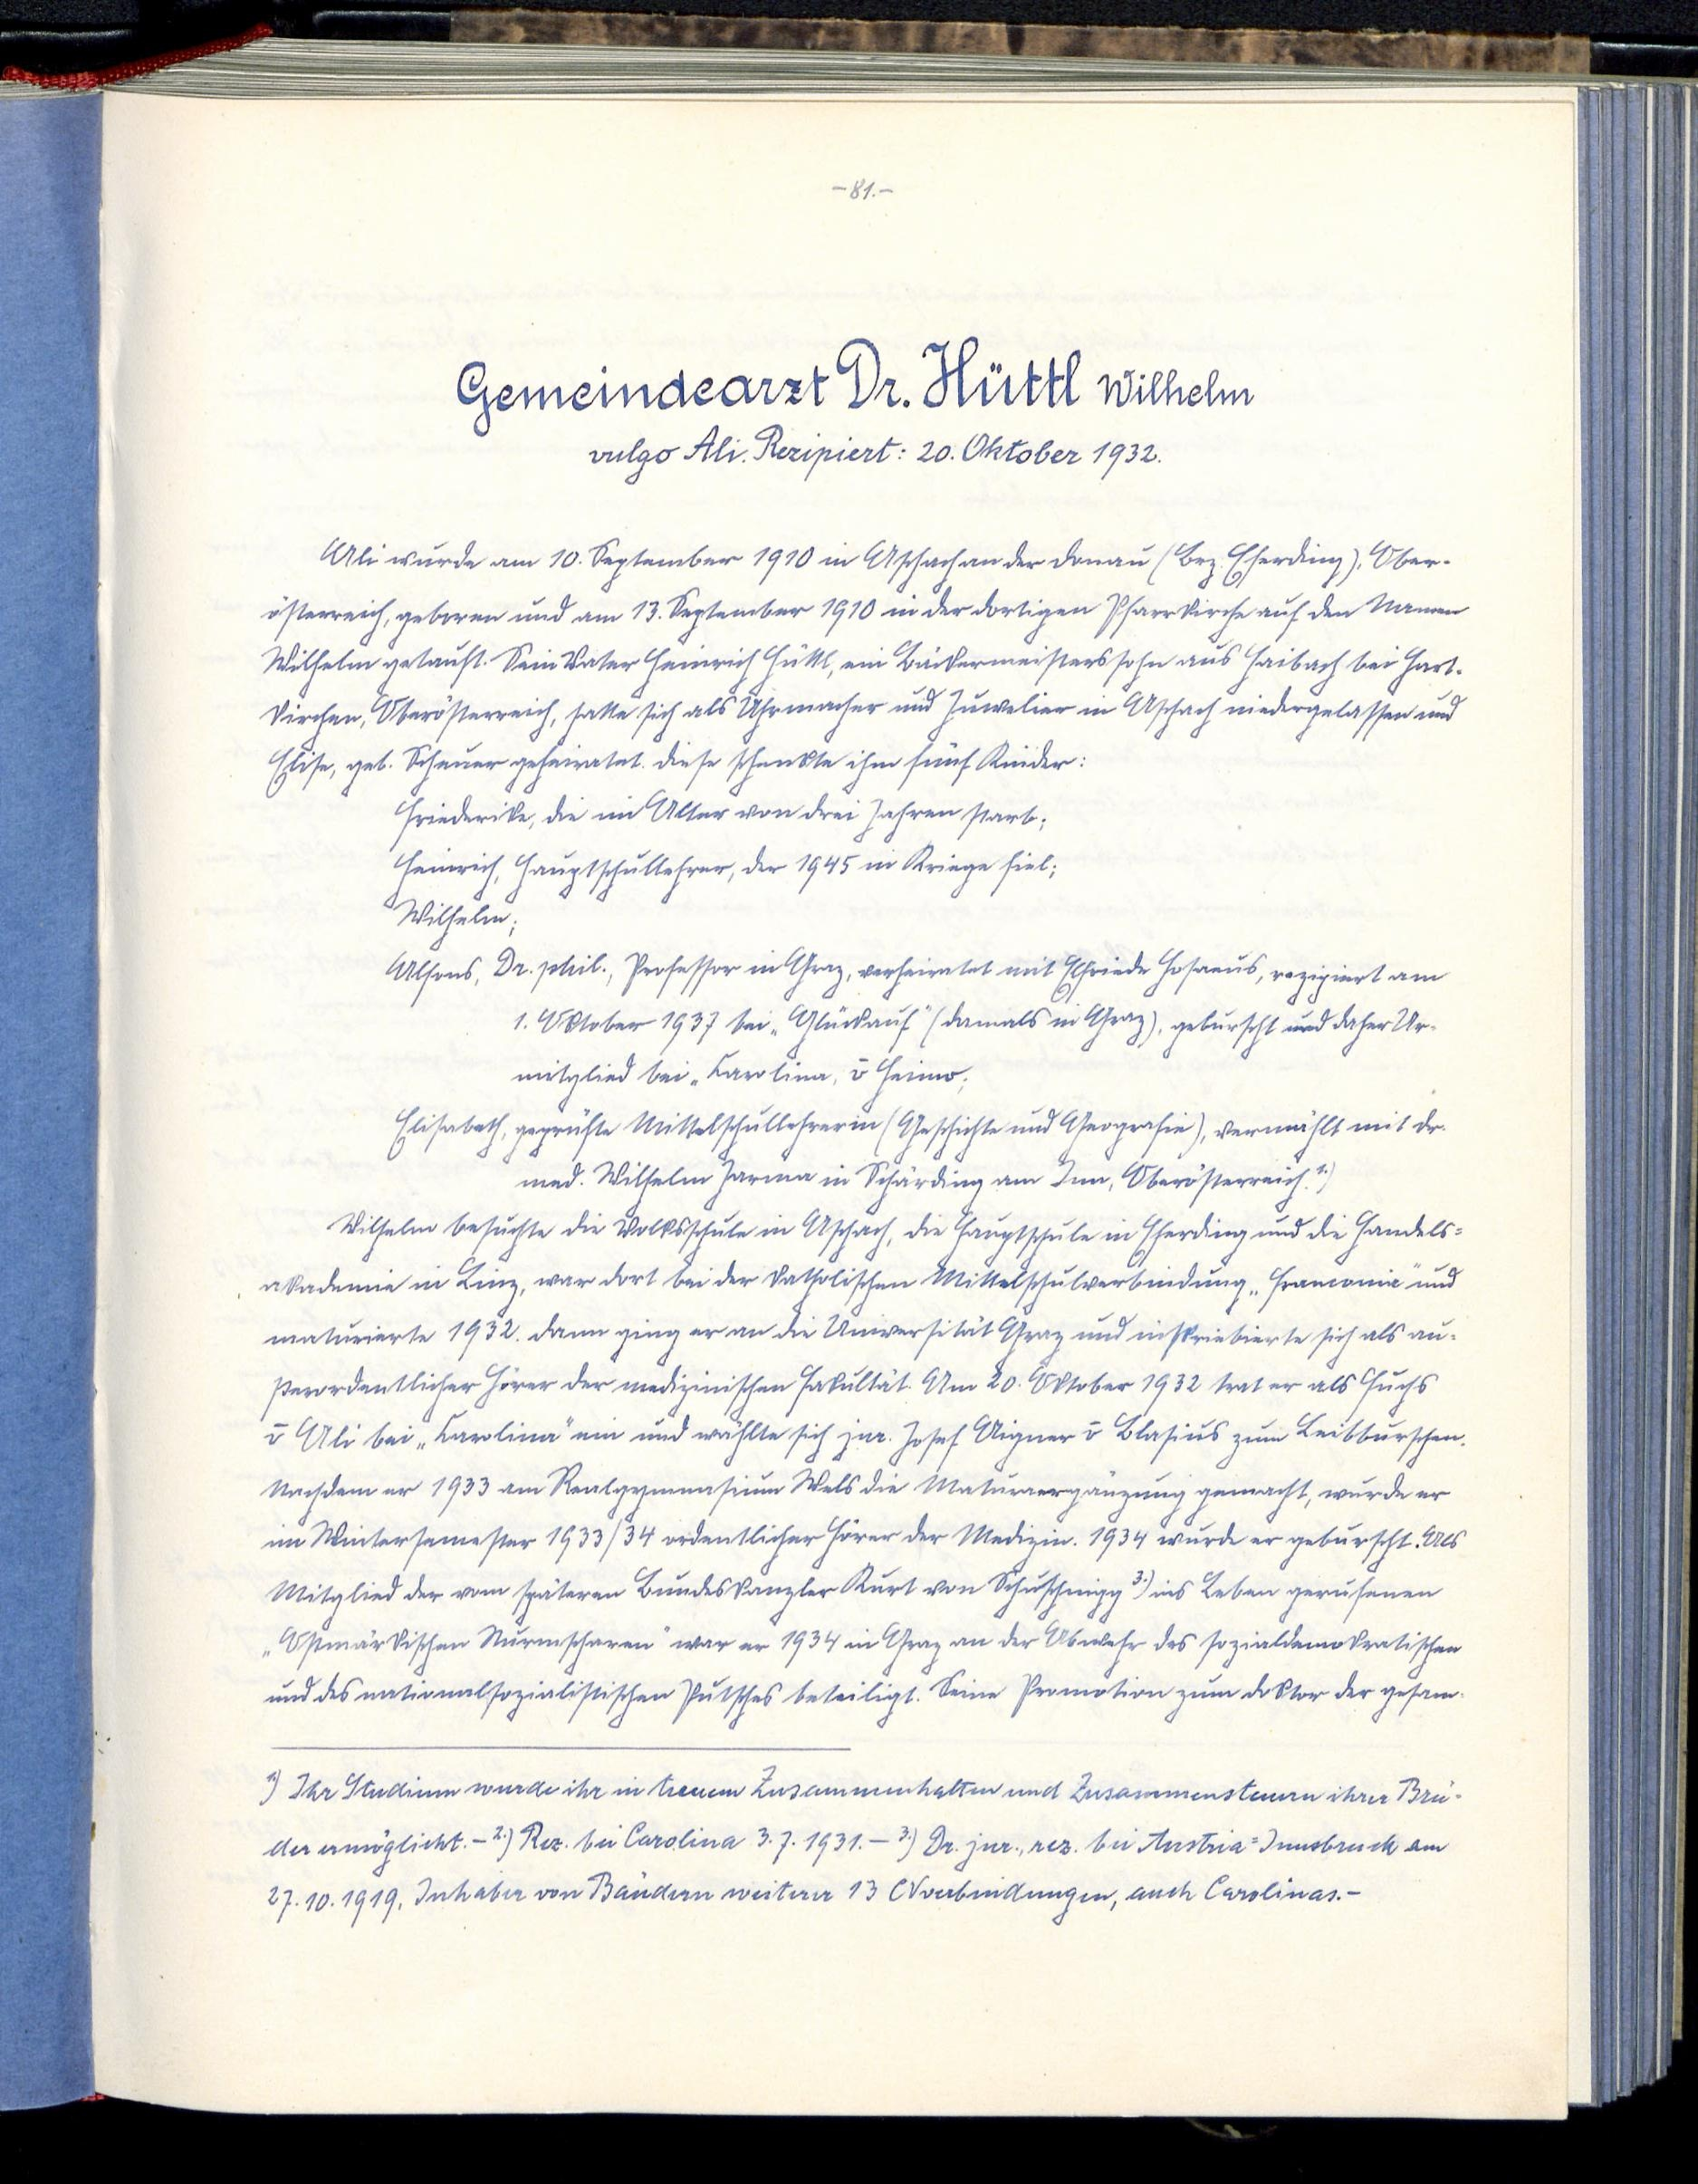81
Gemeindearzt Dr. Hüttl Wilhelm
vulgo Ali. Rezipiert: 20. Oktober 1932.
Ali wurde am 10. September 1910 in Aschach an der Donau (Bez Eferding )Ober-
östereich, geboren und am 13. September 1910 in der dortigen Pfarrkirche auf den Namen
Wilhelm getauft. Sein Vater Heinrich Hüttl, ein Bäckermeisterssohn aus Haibach bei Hart-
kirchen, Oberösterreich, hatte sich als Uhrmacher und Juwelier in Aschach niedergelassen und
Elise, geb. Scheuer geheiratet. Diese schenkte ihm fünf Kinder:
Friederike, die im Alter von drei Jahren starb;
Heinrich, Hauptschullehrer, der 1945 in Kriege fiel-
Wilhelm;
Alfons, Dr. phil., Professor in Graz, verheiratet mit Elfriede Hosarus, rezipiert am
1. Oktober 1937 bei „Glückauf" (damals in Graz), geburscht und daher Ur-
mitglied bei „Carolna, v/o. Heimo,
Elisabeth, geprüfte Mittelschullehrerin,(Geschichte und Geografie) vernmählt mit Dr.
med. Wilhelm Jarna in Schärding am Inn Oberösterreich 1)
ilselm besuchte die Volkschule in Aschach, die Haupttschule in Eferding und die Handels-
akademie in Linz, war dort bei der katholischen Mittelschulverbindung "Franconia" und
maturierte 1932. Dann ging er an die Universithät Graz und inskriebierte sich als au-
ßerordentlicher Hörer der medizinischen Fakulät. Am 20. Oktober 1932 trat er als Fuchs
v/o Ali bei „Carolina" ein und wahlte sich jur. Josef Aigner v/o Blasius zum Leibburschen.
Nachdem er 1933 am Realgymnasium Wels die Maturaergänzung gemacht, wurde er
im Wintersemester 1933/34 ordentlicher Hörer der Medizin. 1934 wurde er geburscht. Als
Mitglied der vom späteren Bundeskanzler Kurt von Schuschnigg 2) ins Leben gerufenen
„Ostmärkischen Sturmscharen“ war er 1934 in Graz an der Abwehr des sozialdemokratischen
und des nationalsozialistischen Putsches beteiligt. Seine Promotion zum Doktor der gesam
1.) Ihr Studium wurde ihr in trauem Zusammemhalten und Zusammensteurn ihrer Brü-
der ermöglicht.– 2) Rez. bei Carolina 3.7.1931. 3) Dr. jur.rez. bei Austria Innsbruck am
27.10.1919, Inhaber von Bändern weiterer 13 CVverbindungen, auch Carolinas.-